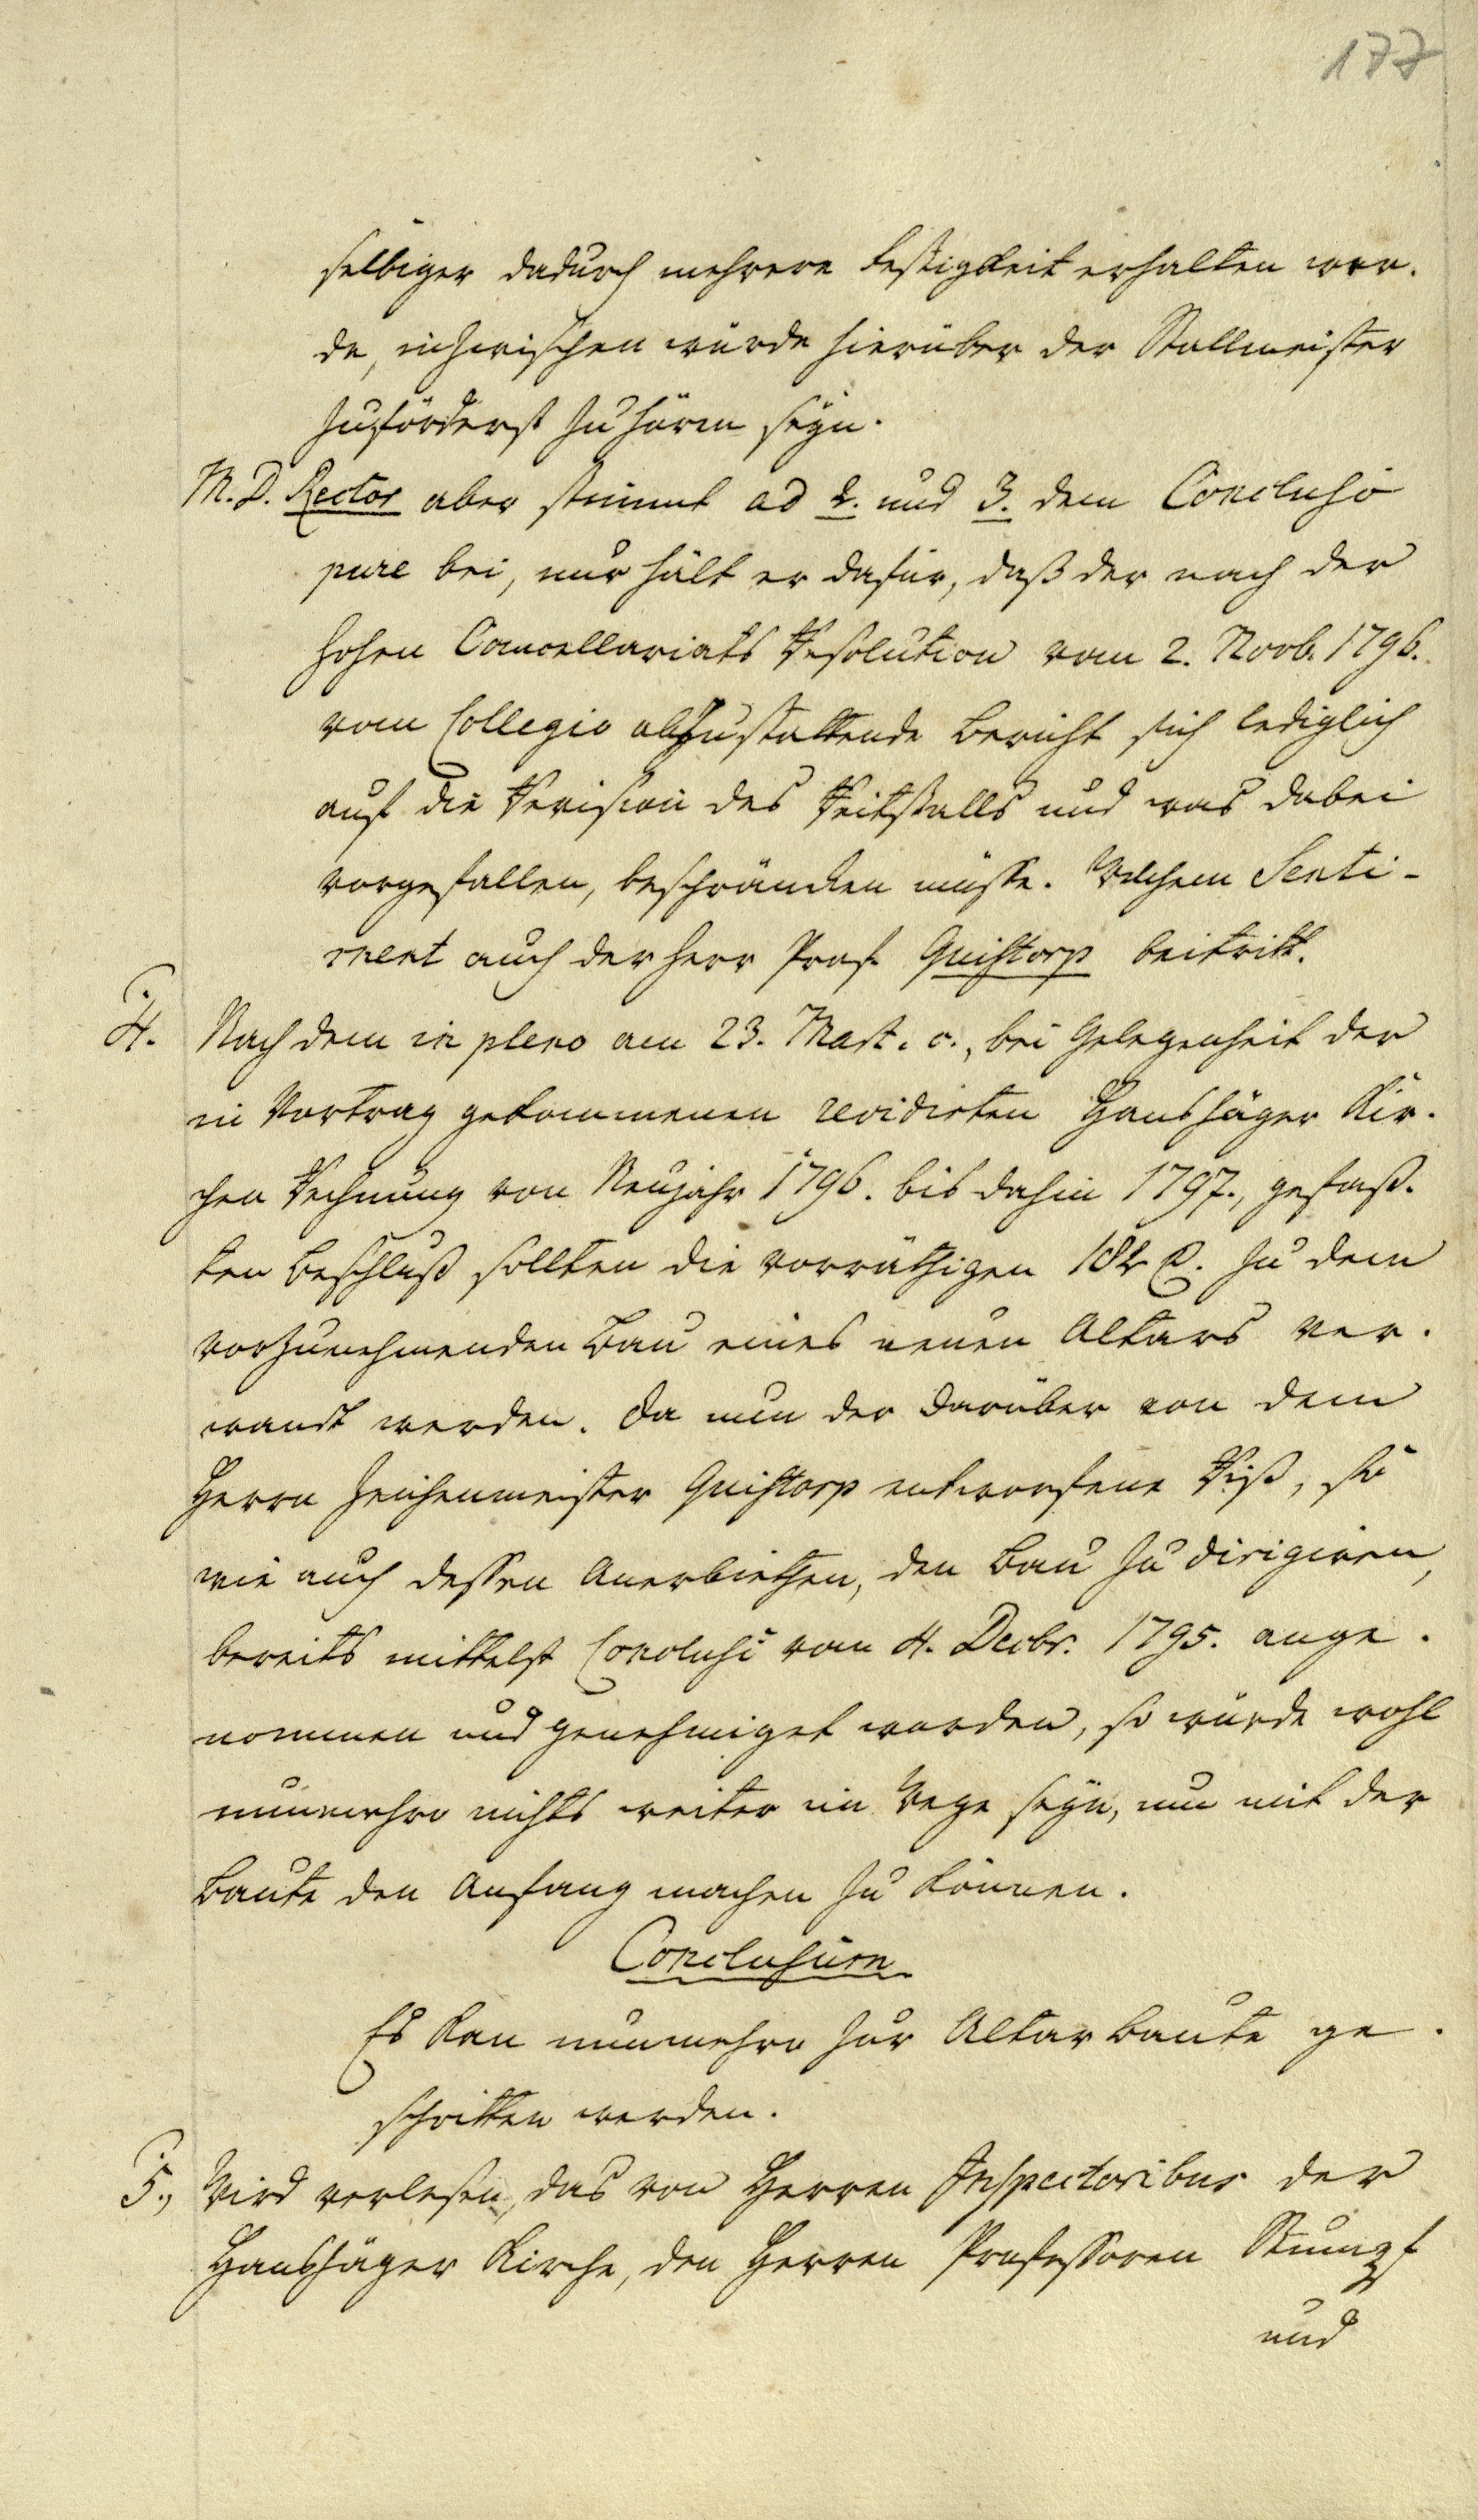selbiger dadurch mehrere Festigkeit erhalten wer¬
de, inzwischen würde hierüber der Stallmeister
zuförderst zu hören seÿn.
M. D. Rector aber stimmt ad 2. und 3. dem Concluso
pure bei, nur hält er dafür, daß der nach der
Hohen Cancellariats Resolution vom 2. Novb. 1796.
vom Collegio abzustattende Bericht sich lediglich
auf die Revision des Reitstalls und was dabei
vorgefallen, beschräncken müsse. Wilchem Senti¬
ment auch der Herr Prof. Quistorp beitritt.
4. Nach dem in pleno am 23. Mart. c., bei Gelegenheit der
in Vortrag gekommenen revidirten Hanshäger Kir¬
chen Rechnung von Neujahr 1796. bis dahin 1797., gefaß¬
ten Beschluß sollten die vorräthigen 182 l. zu dem
vorzunehmenden Bau eines neuen Altars ver¬
wandt werden. Da nun der darüber von dem
Herrn Zeichenmeister Quistorp entworfene Riß, so
wie auch dessen Anerbiethen, den Bau zu dirigiren,
bereits mittelst Conclusi vom 4. Decbr. 1795. ange¬
nommen und genehmiget worden, so würde wohl
nunmehro nichts weiter im Wege seÿn, nun mit der
Baute den Anfang machen zu können.
Conclusum
Es kan nunmehro zur Altar Baute ge¬
schritten werden.
5., Wird verlesen, das von Herren Inspectoribus der
Hanshäger Kirche, den Herren Professoren Stumpf
und